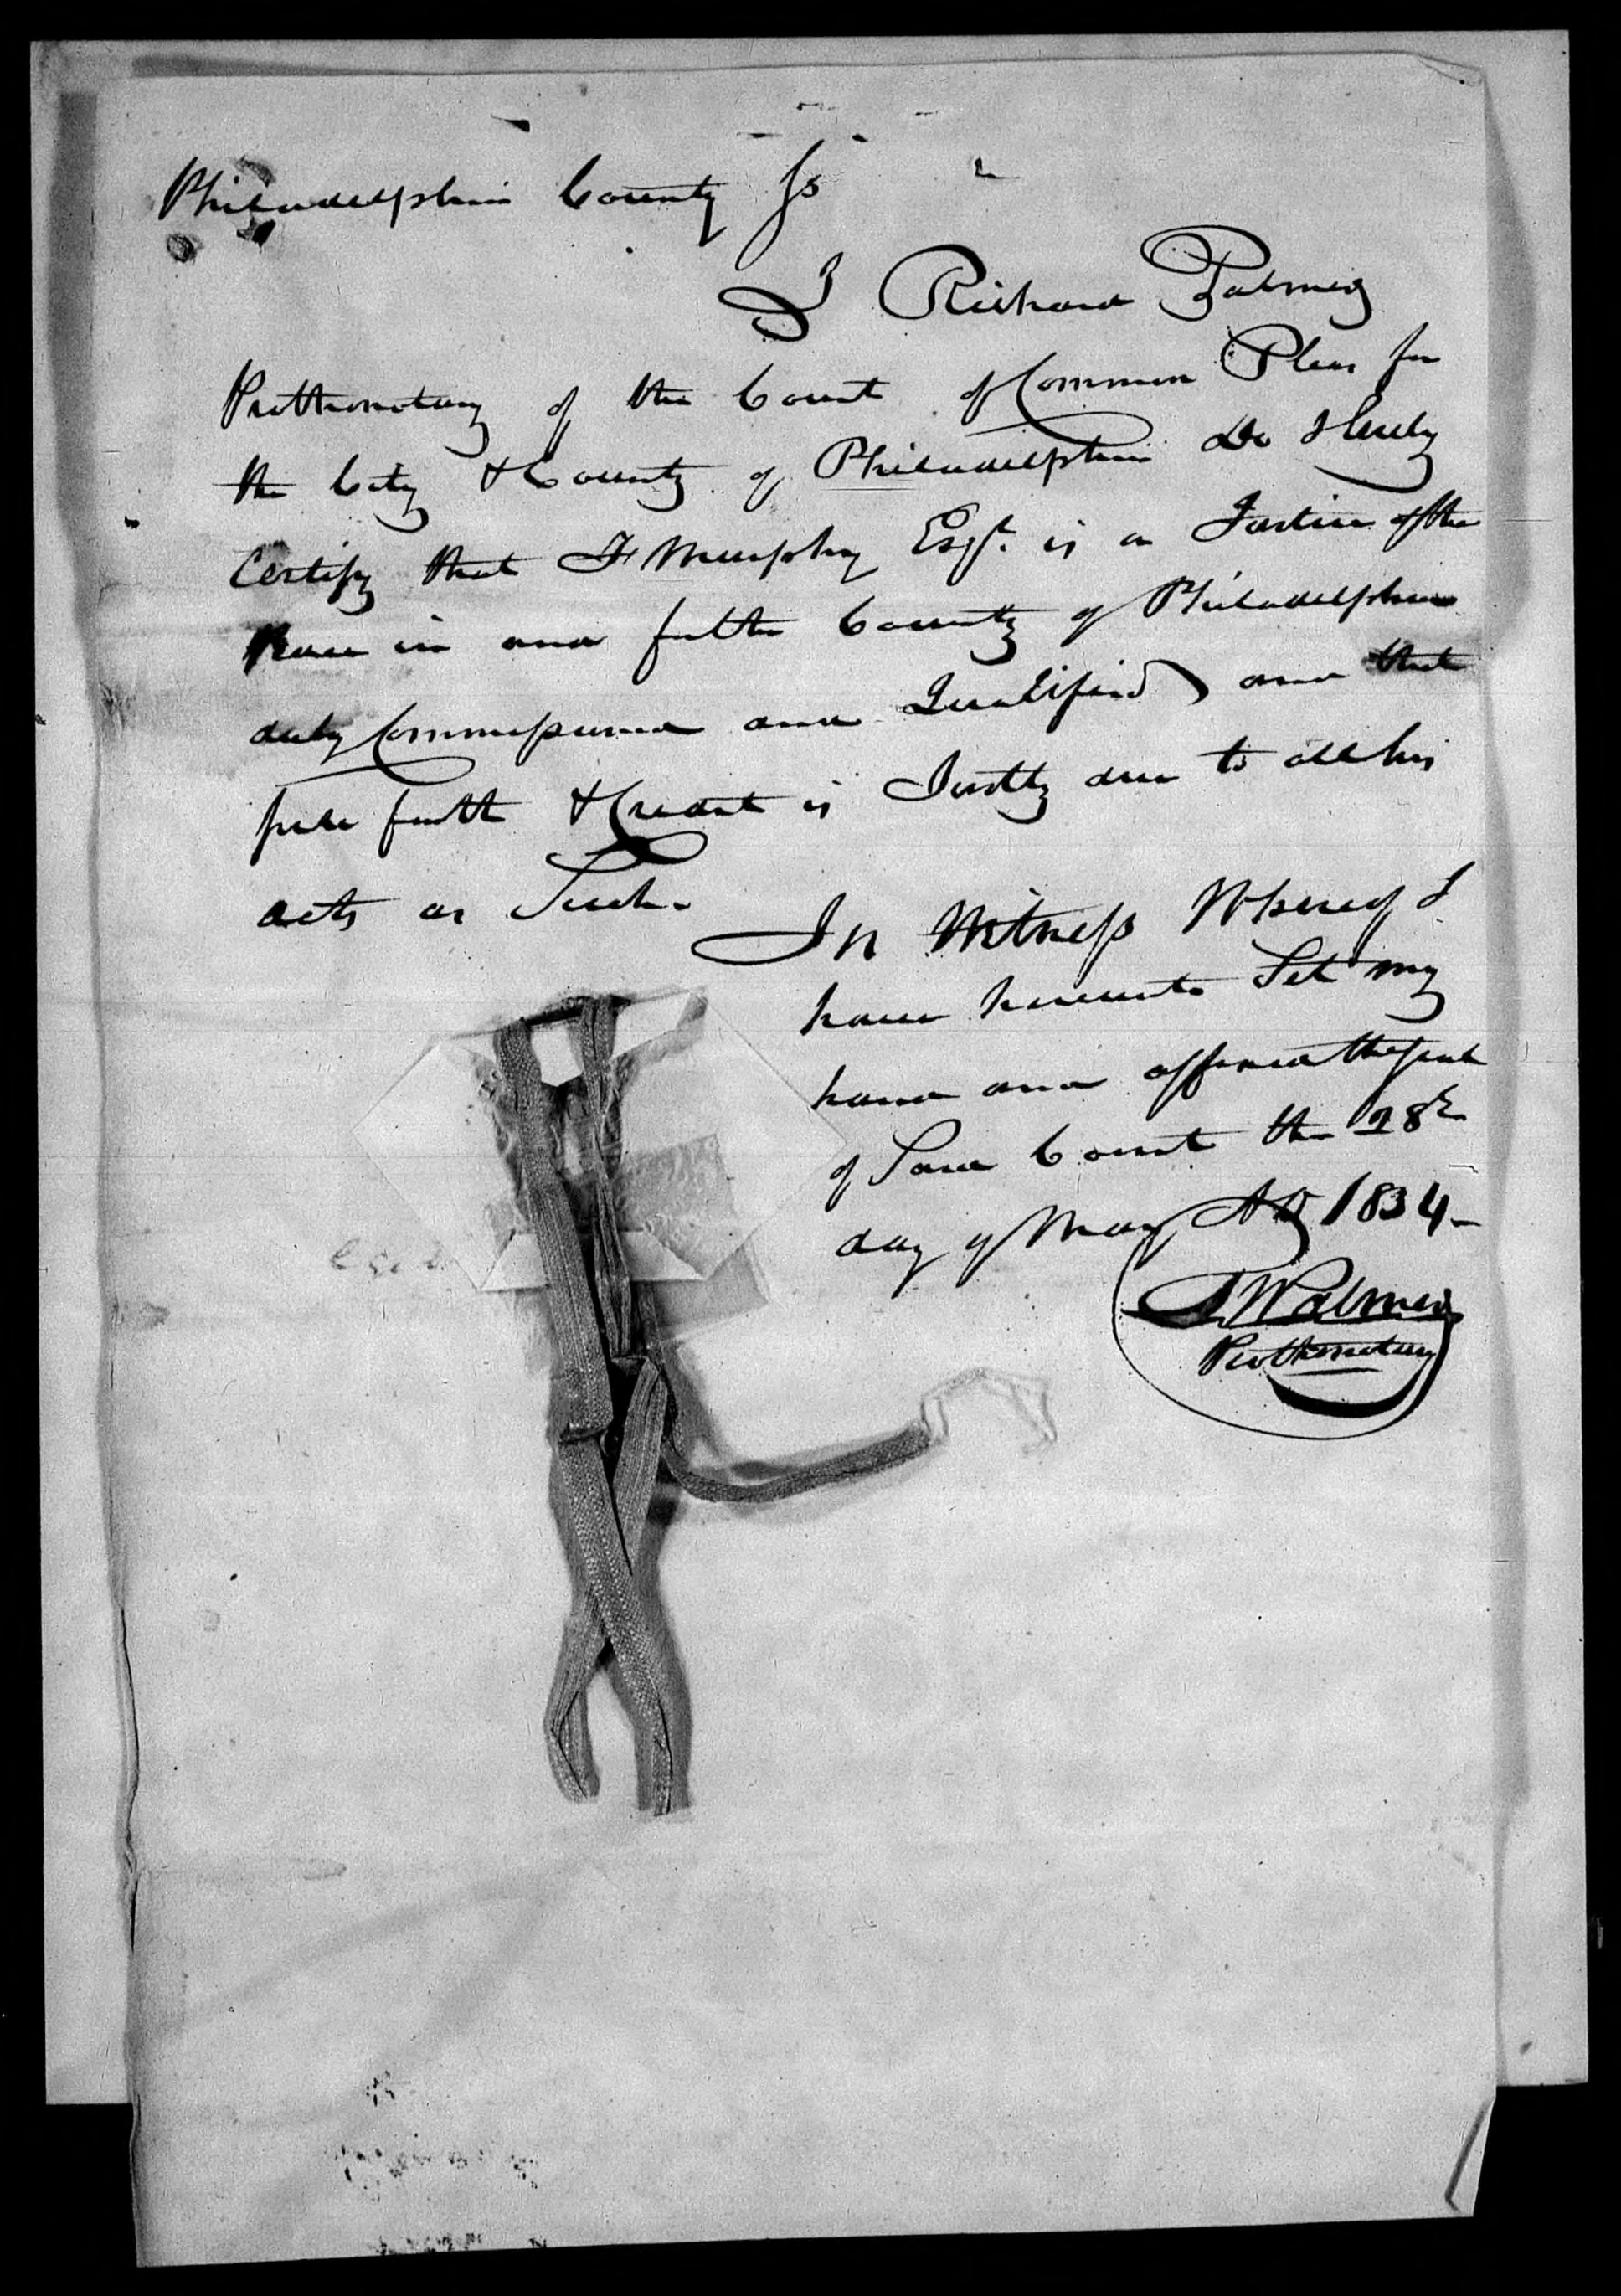Philadelphia County ss     
I Richard Palmer Prothonotary of the Court of Common Pleas for the City & County of Philadelphia  Do hereby certify that F Murphy Esq is a Justice of the Peace in and for the County of Philadelphia duly Commissioned and Qualified and that full faith & credit is Justly due to all his acts as such       
In Witness Whereof I have hereunto set my hand and affixed the seal of Same Court the 28 day of May AD 1834 
R Palmer Protonotary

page: 11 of 31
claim: survivor's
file: S. 6154, for Joseph Sturgis, Pennsylvania